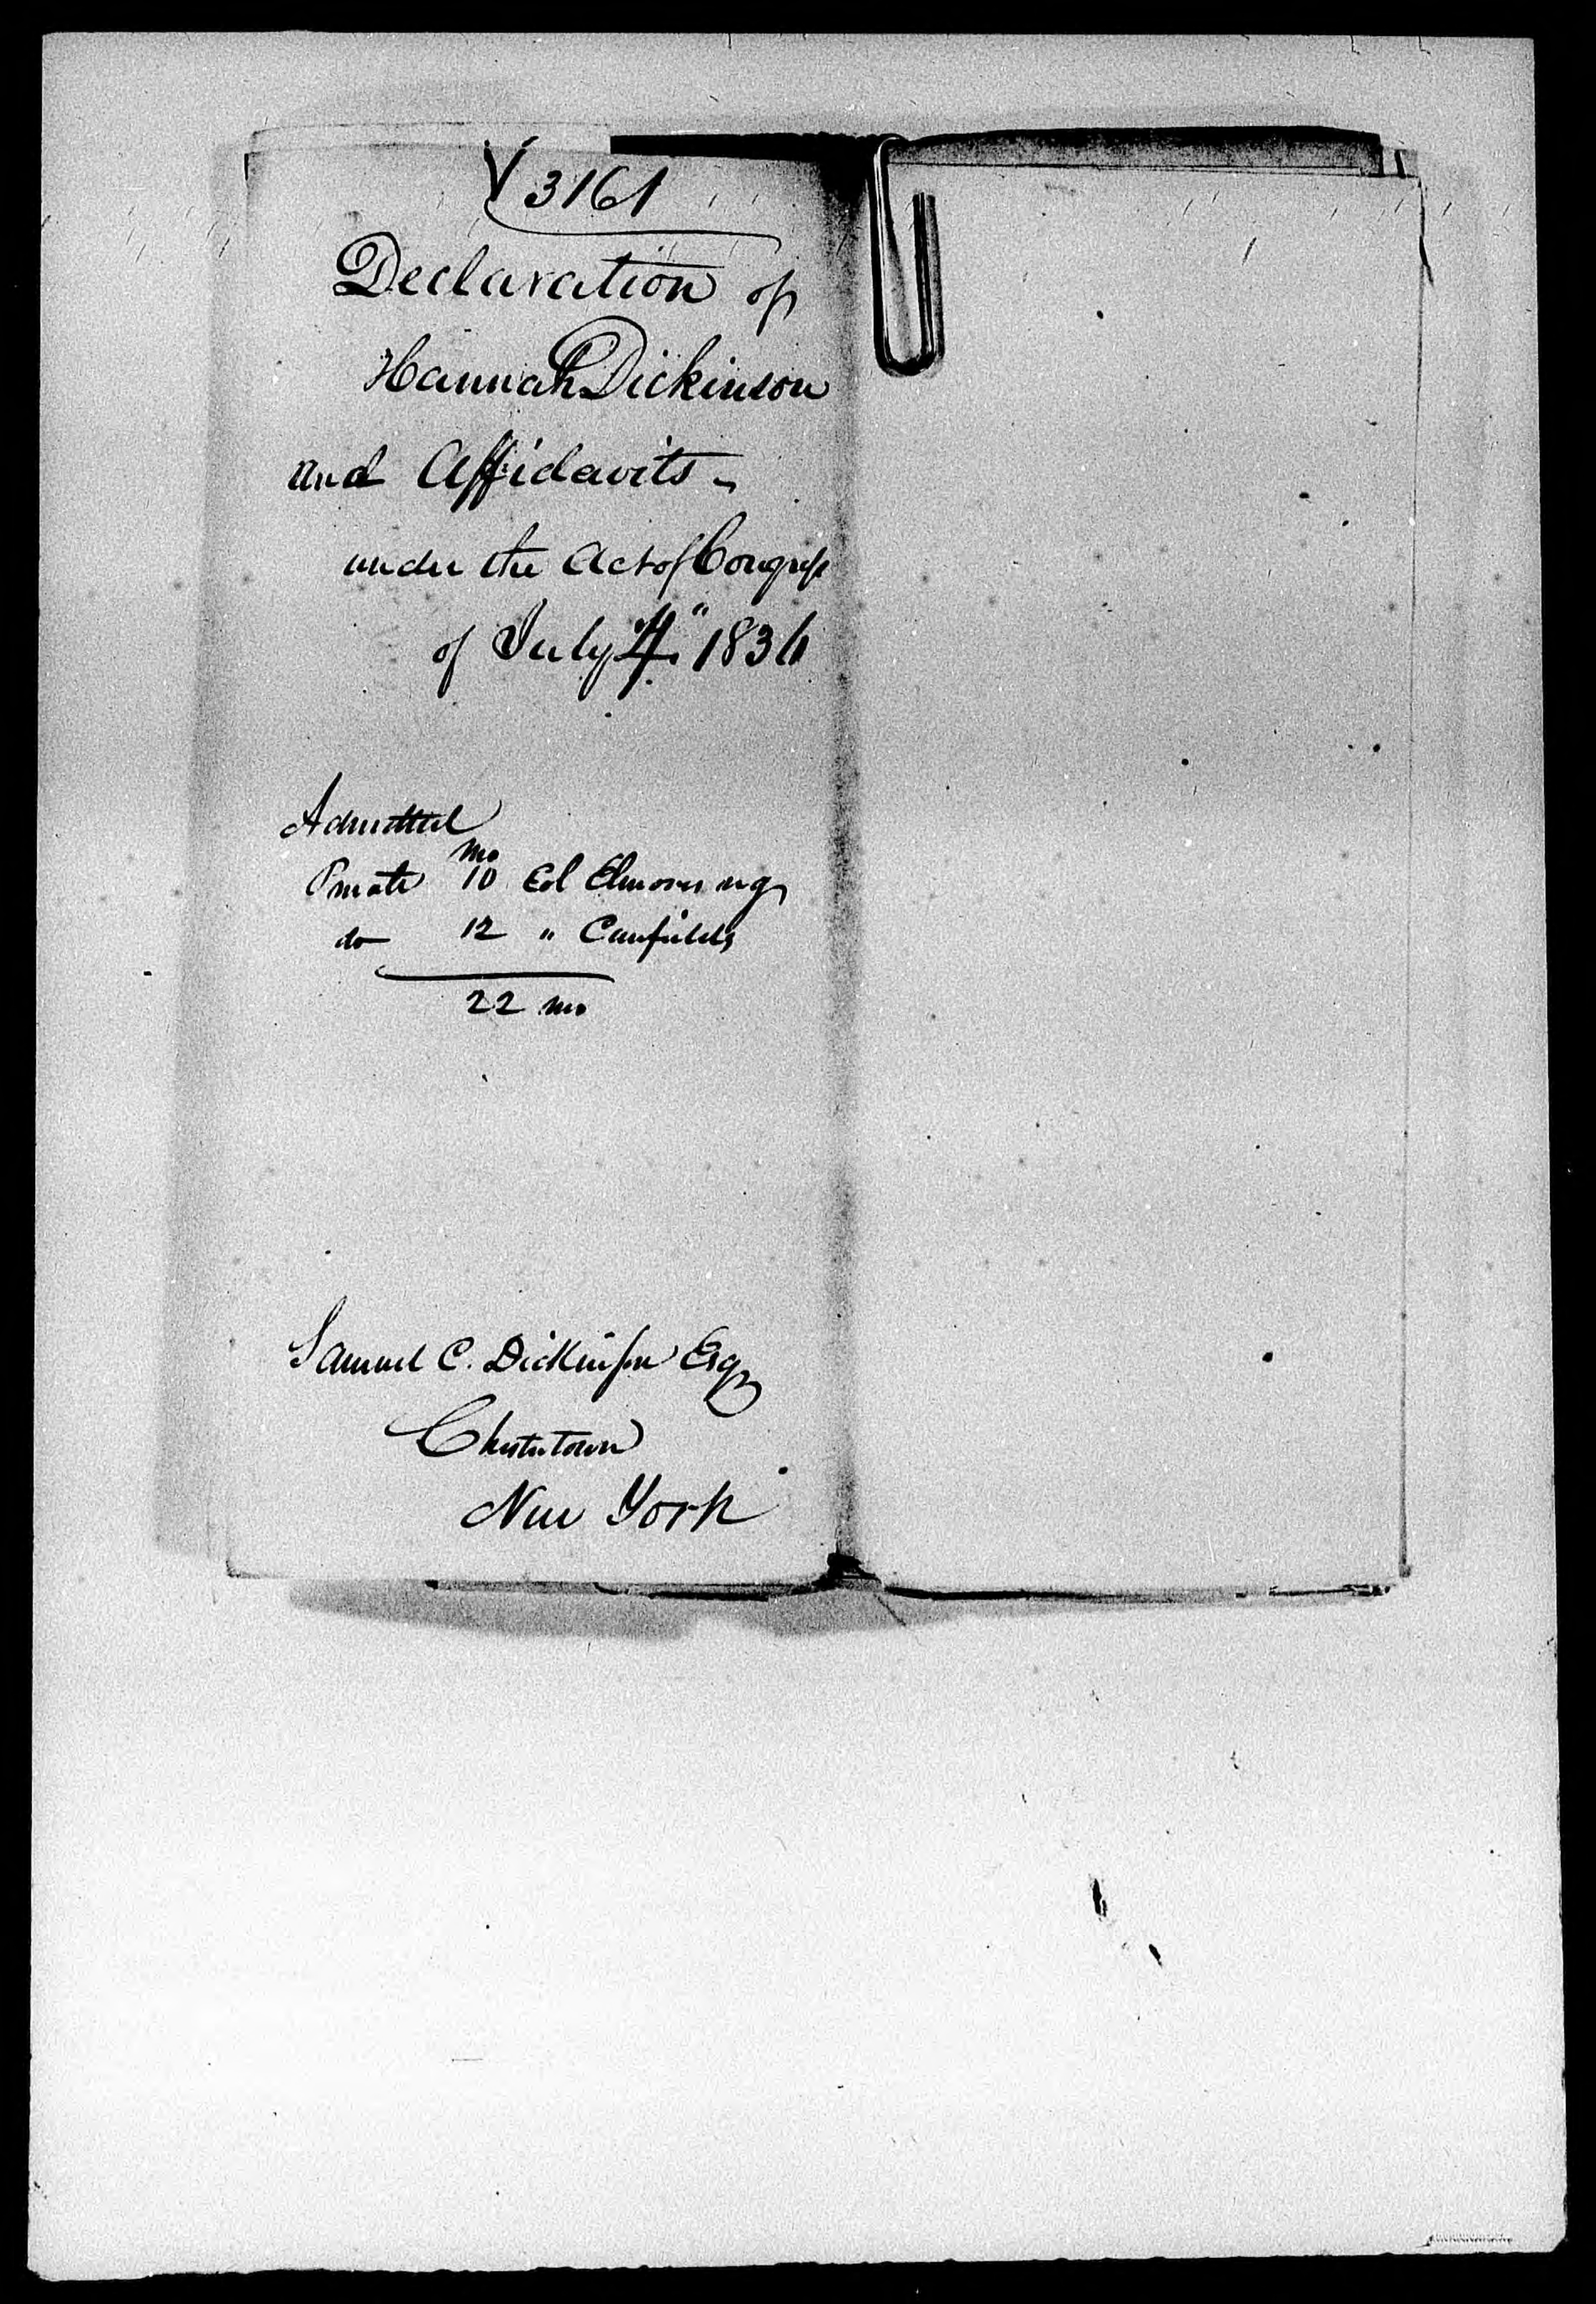3161
Declaration of
Hannah Dickinson
and Affidavits -
under the Act of Congress
of July 4, 1836

Admitted
              mo [month] 
Private     10  Col Elmorning
do [ditto] 12    " [ditto] Canfields
               -----
                22 mo


Samuel C. Dickinson Esqr
Chestertown
New York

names: Canfield, Hannah Dickinson, Samuel C Dickinson, Elmore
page: 45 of 60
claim: widow's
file: W 16,955, Samuel Dickinson, Conn.